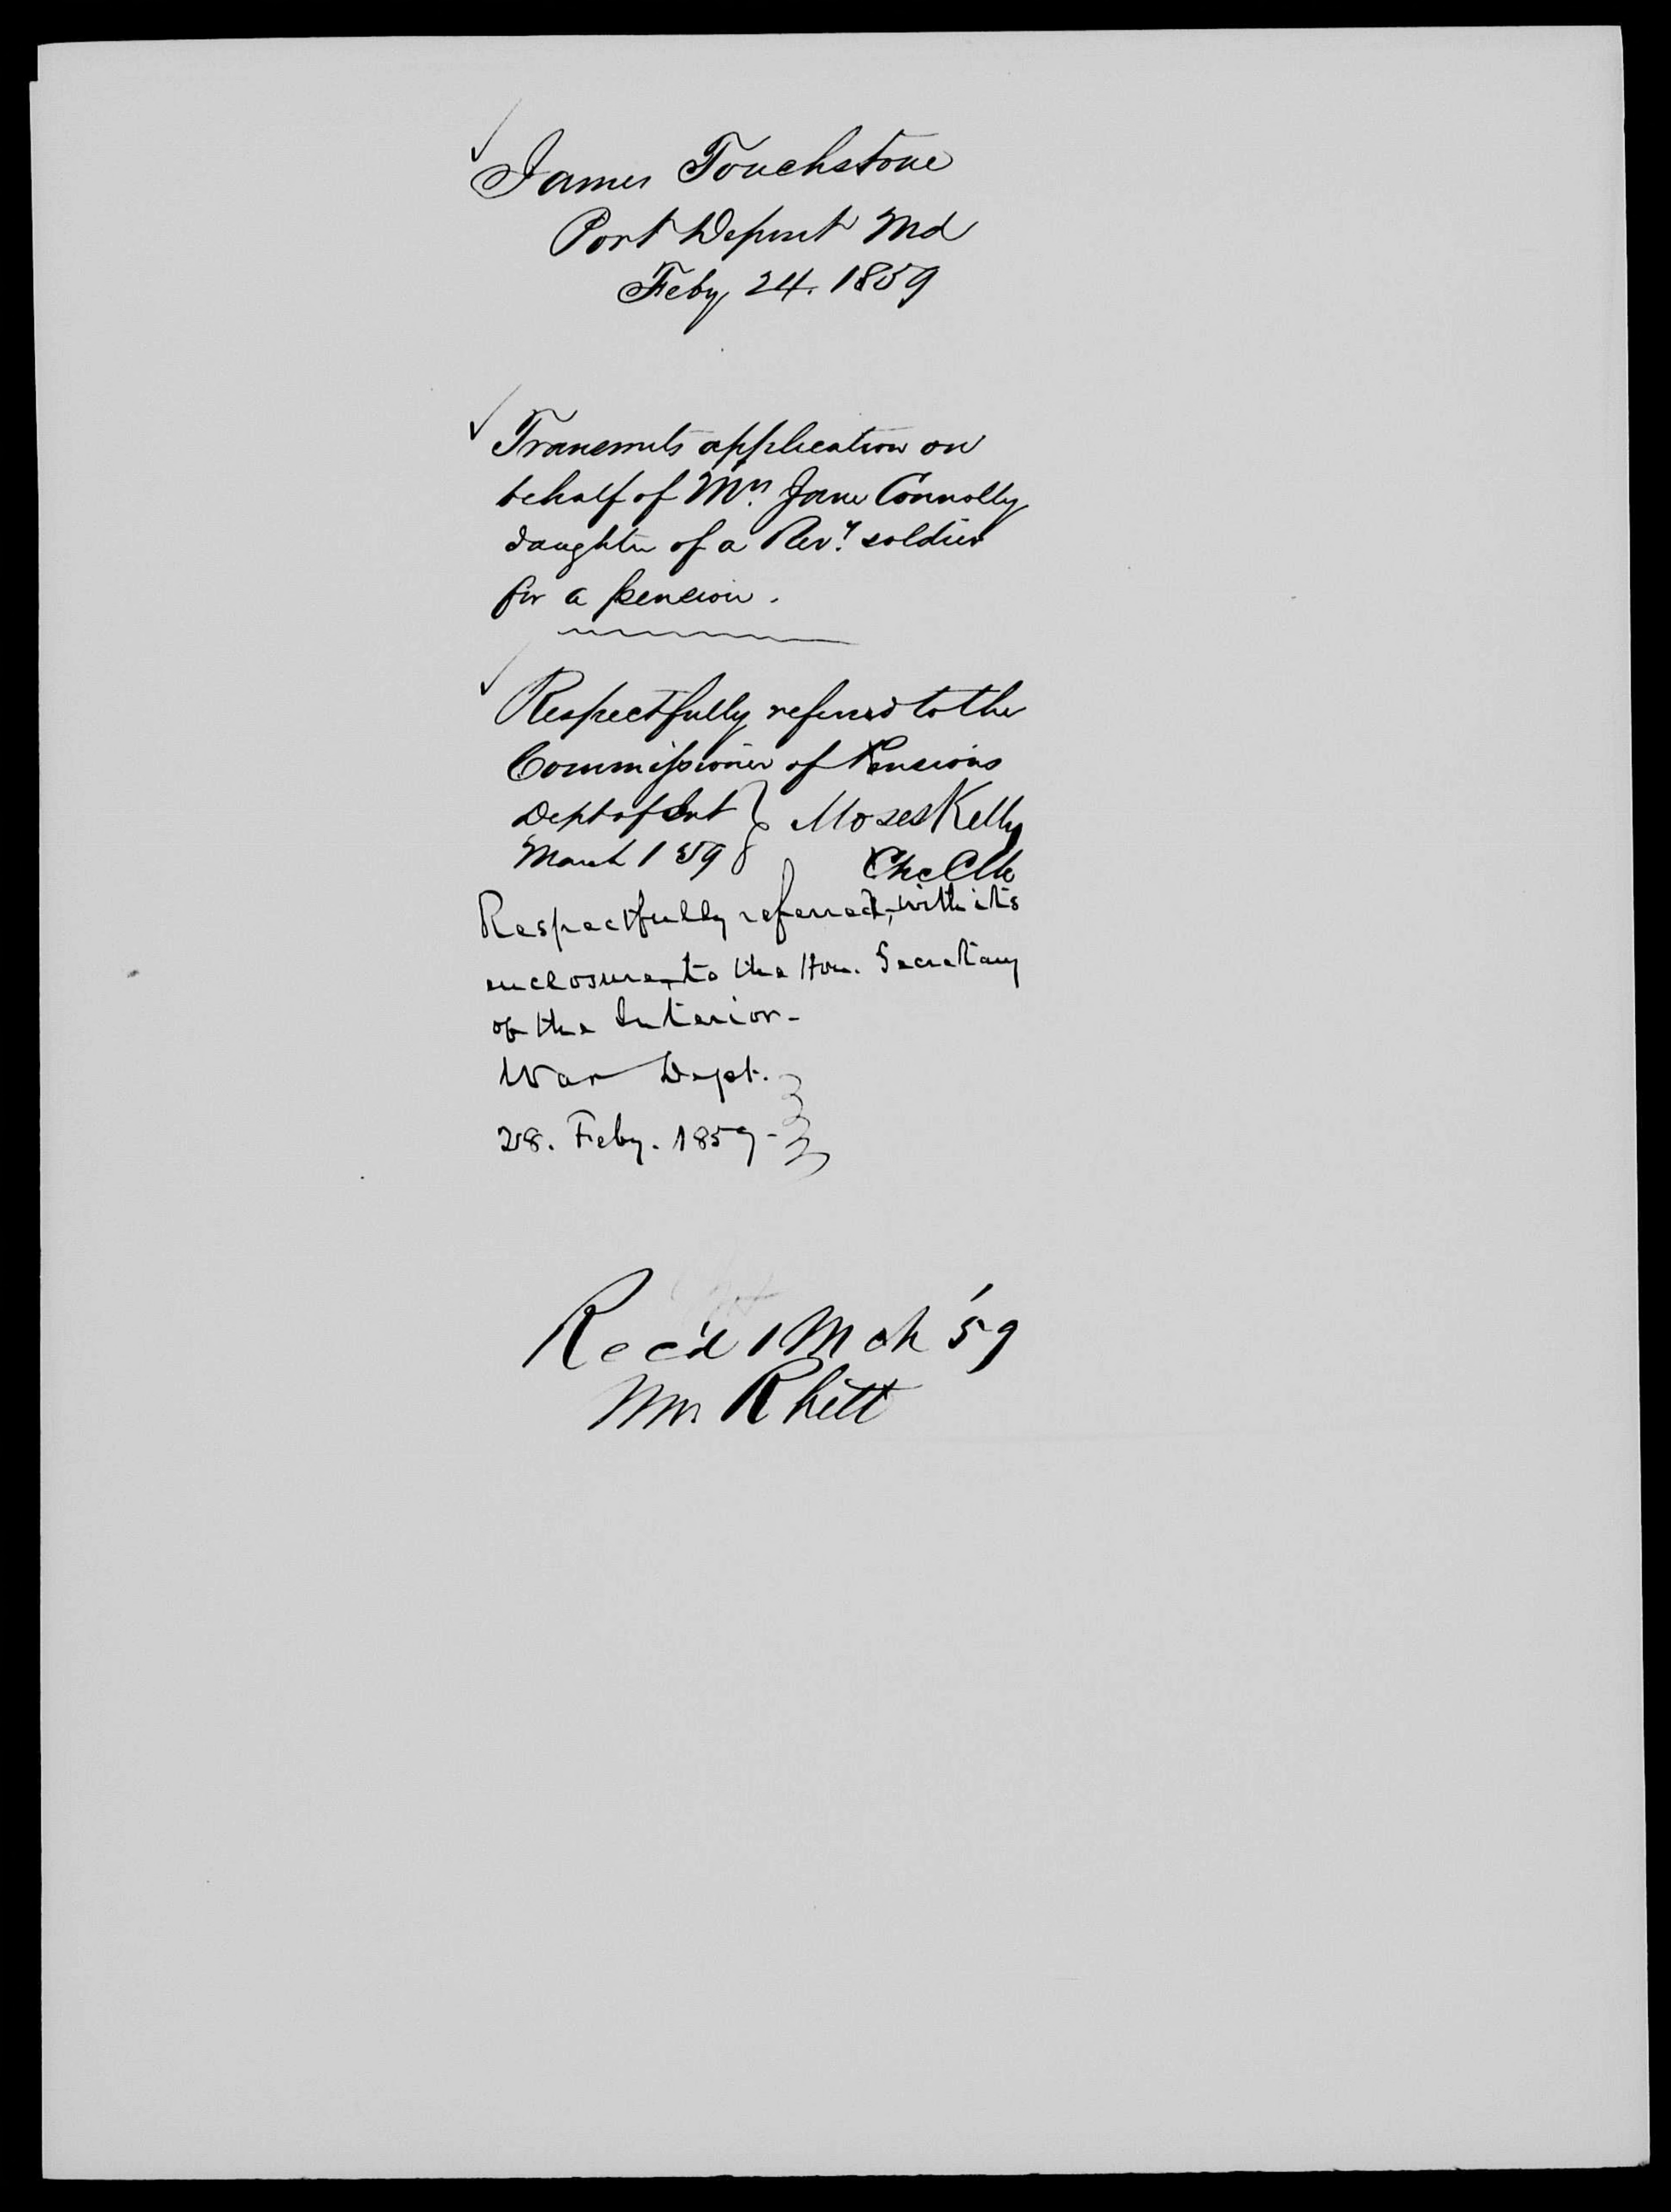(check mark) James Touchstone
Port Deposit Md
Feby 24. 1859

(check mark) 
Transmits application on behalf of Mrs. Jane Connolly daughter of a Rev. soldier for a pension.

(check mark) Respectfully referred to the Commission of Pensions
[illegible March 1 '59} Moses Kelly Chc Clk
Respectfully referred, with it's enclosure to the Hon. Secretary of the Interior-
War Dept
28. Feby.1859}

Rec'd 1 Mch '59
Wm Rhett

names: Moses Kelly, Jane Connolly, James Touchstone, Wm Rhett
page: 22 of 31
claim: survivor's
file: S. 34646, Samuel Beaty, Penn.